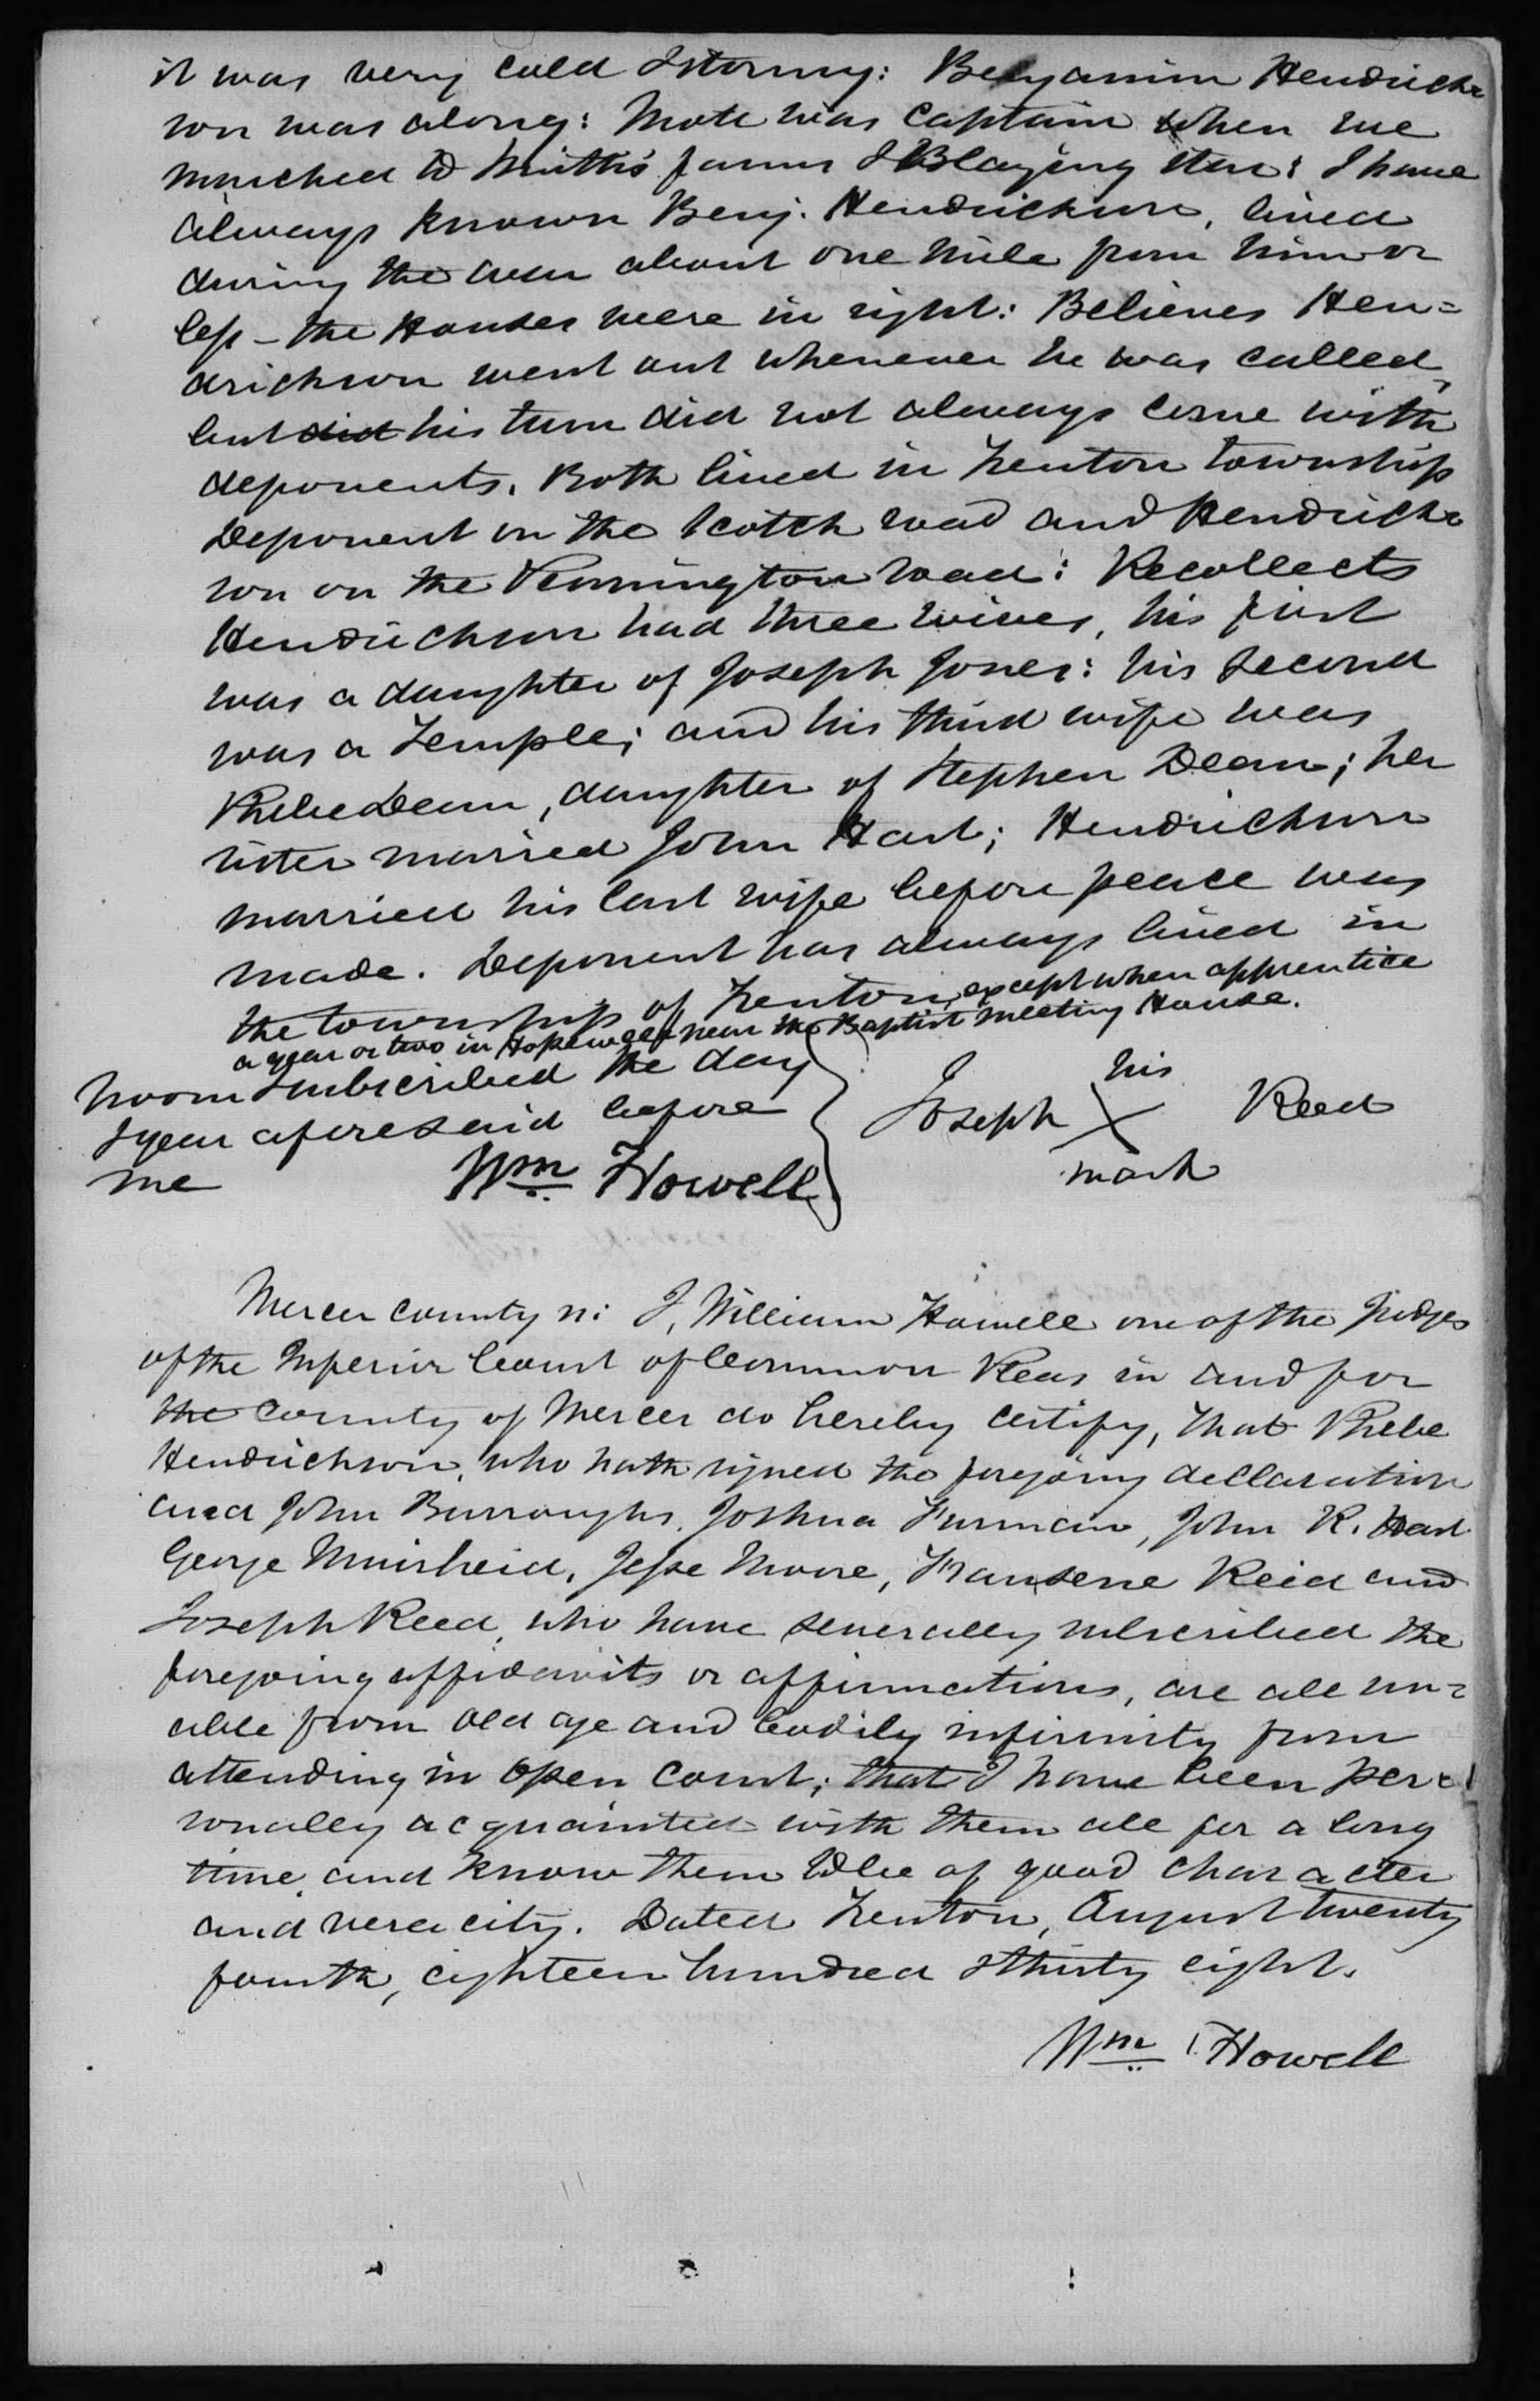it was very cold & stormy: Benjamin Hendrickson was along: Mott was Captain when we marched to Smith's farms & Blazing Star: I have always known Benj. Hendrickson, lived during the war about one mile from him or less - the houses were in sight: Believes Hendrickson went out whenever he was called, but his turn did not always come with deponents. Both lived in Trenton township
Deponent in the Scotch Road and Hendrickson on the Pennington Road: Recollects Hendrickson had three wives, his first was a daughter of Joseph Jones: his second was a Temple; and his third wife was Phebe Dean, daughter of Stephen Dean; her sister married John Hart; Hendrickson married his last wife before peace was made. Deponent has always lived in the township of Trenton, except when apprentice a year or two in Hopewell near the Baptist Meeting House.
his
Joseph  X  Reed
mark
Sworn & subscribed the day}
& year aforesaid before}
me} 
Wm.. Howell}

Mercer County ss: I, William Howell, one of the Judges of the Inferior Court of Common Pleas in and for the County of Mercer do hereby certify, that Phebe Hendrickson, who hath signed the foregoing declaration and John Burroughs, Joshua Furman, John R. Hart
George Muirheid, Jesse Moore, Fransene Reid and Joseph Reed, who have severally subscribed the foregoing affidavits or affirmations, are all unable from old age and bodily infirmity from attending in Open Court; that I have been personally acquainted with them all for a long time and know them to be of good character and veracity. Dated Trenton, August twenty fourth, eighteen hundred & thirty eight
Wm.. Howell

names: Belienes Hendrickson, Jesse Moore, Joseph Reed, Hendrickson, Wm Howell, Joshua Furman, Phebe Hendrickson, John Hart, Benjamin Hendrickson, George Muirheid, Joseph Reed, Fransene Reid, William Howell, Joseph Jones, Hendrickson, John Burroughs, Hendrickson, Benj Hendrickson, Phebe Dean, Wm Howell, James J Blaying, John R Hart, Stephen Dean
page: 11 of 20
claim: rejected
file: R. 4884, Benjamin Hendrickson, New Jersey